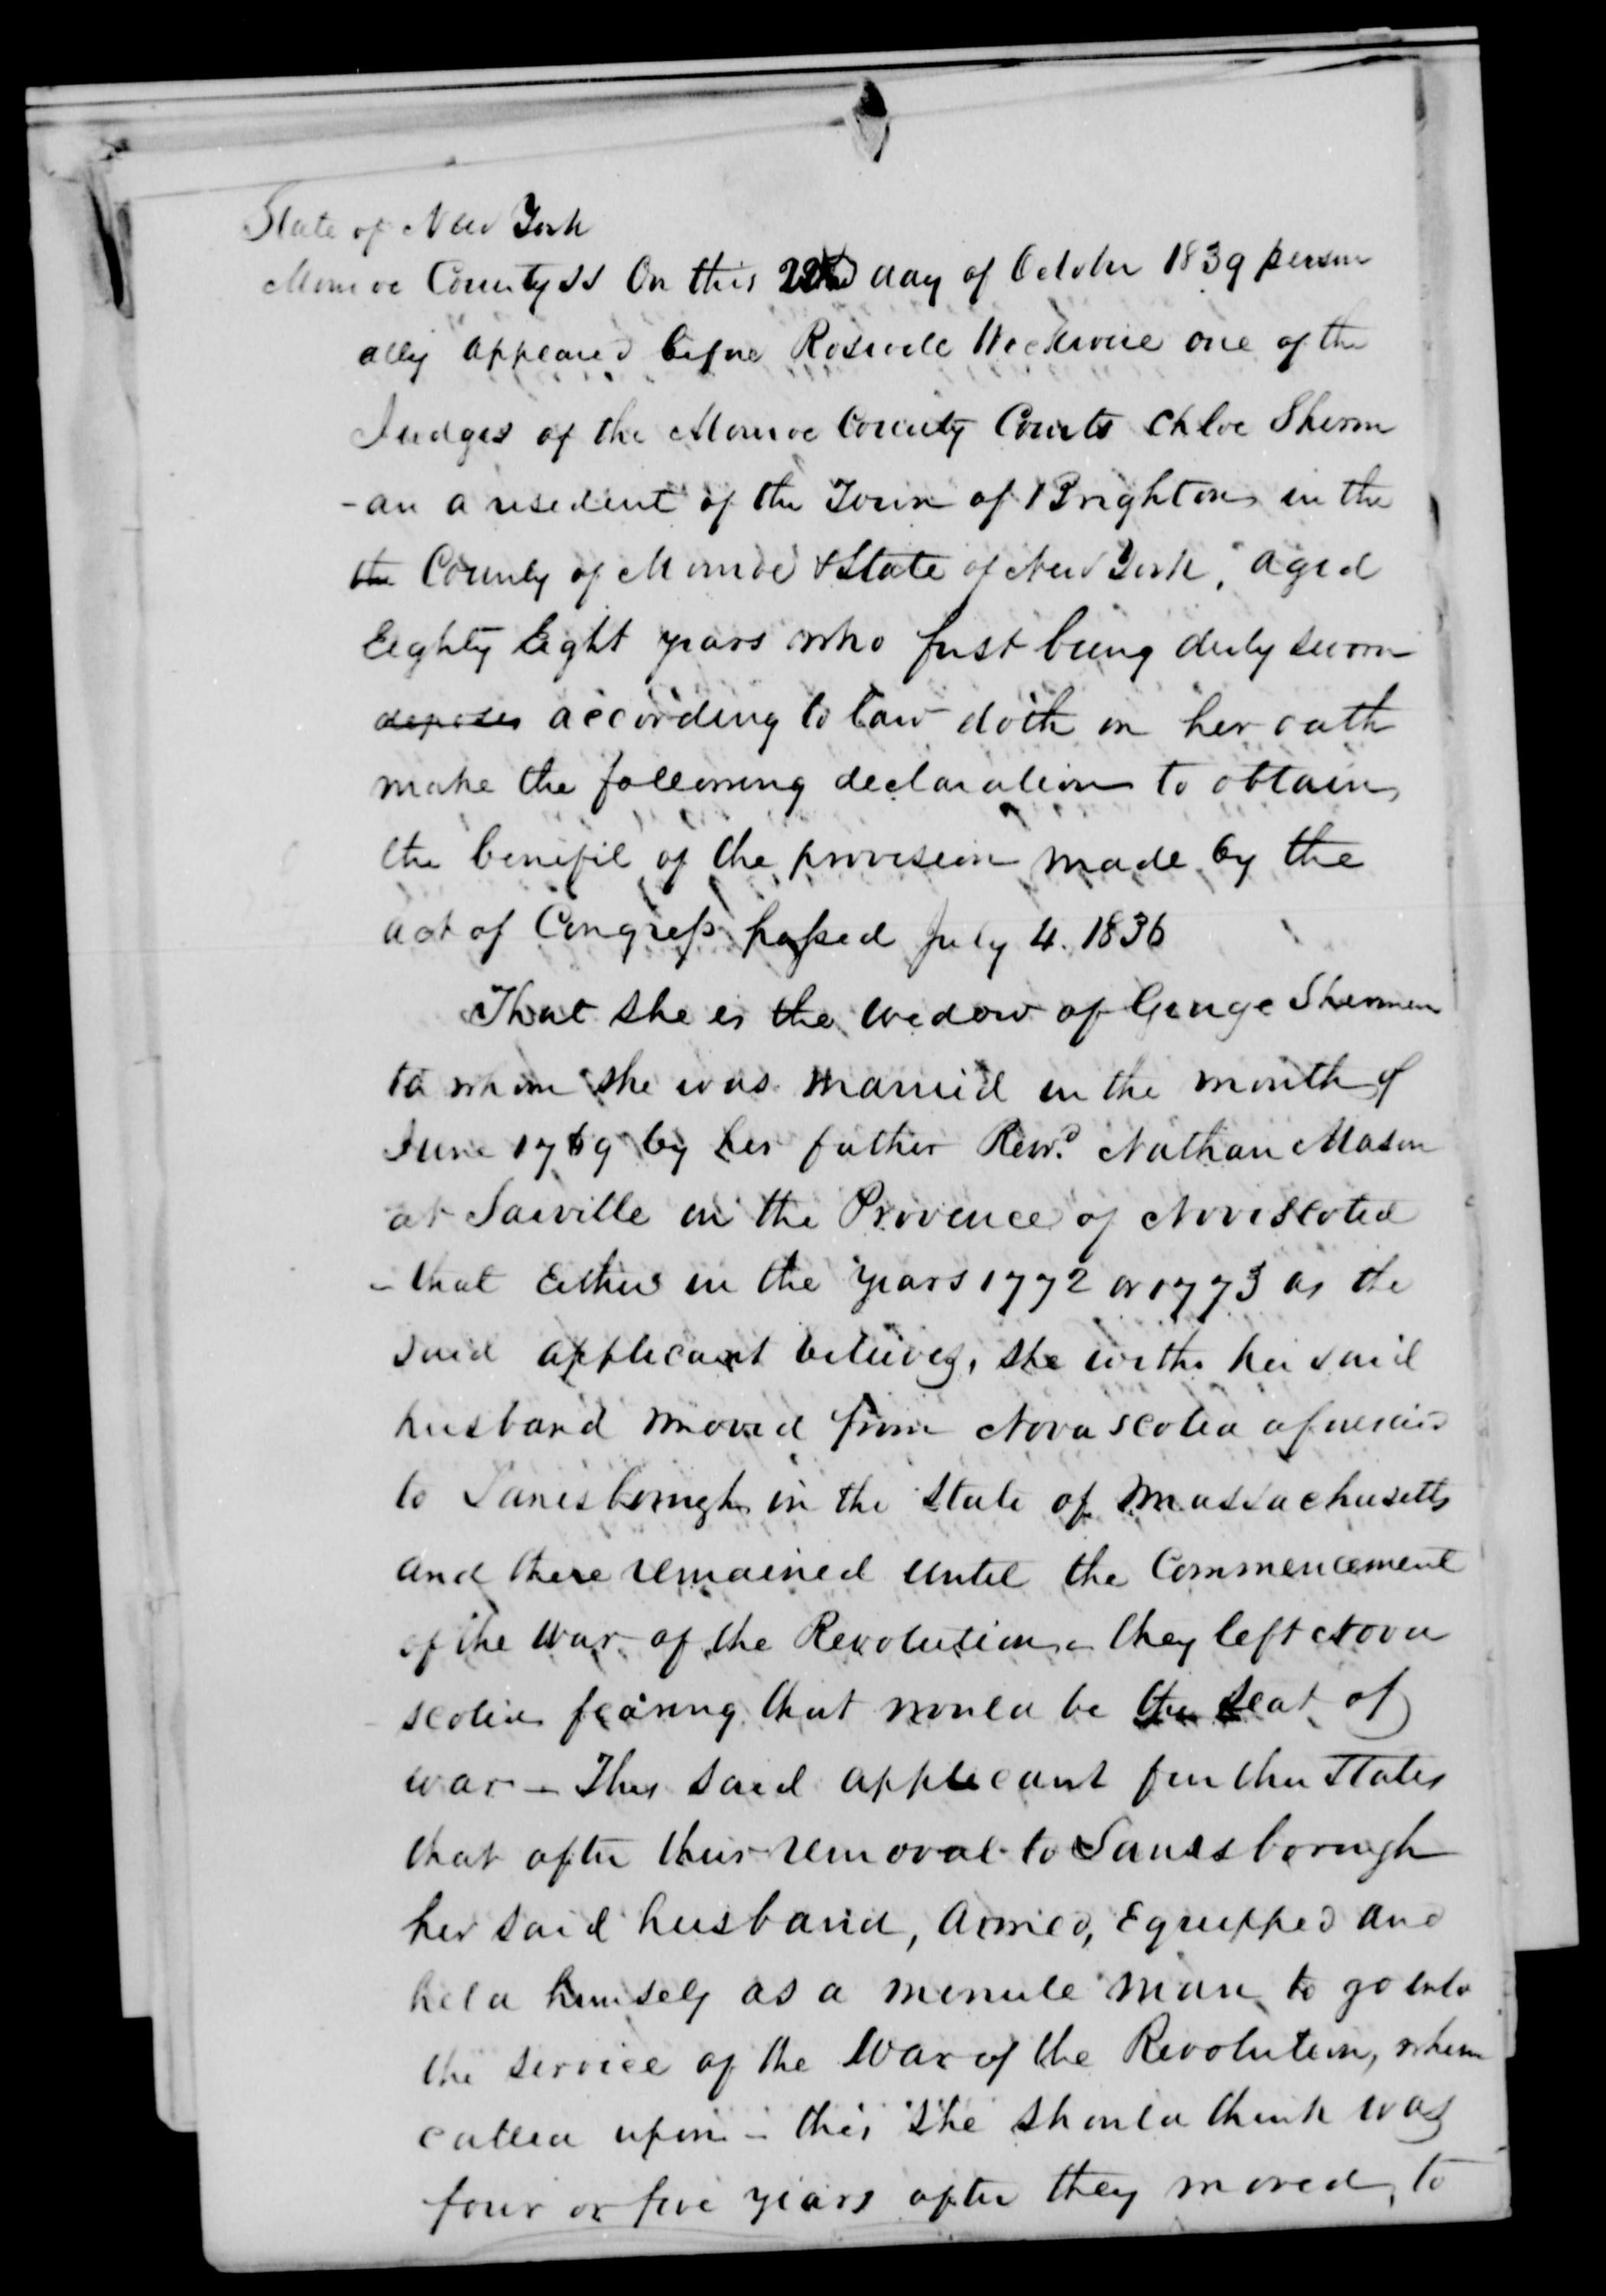State of New York
Monroe County ss On this 2nd day of October 1839 personally appeared before Rosewell Wickwice one of the Judges of the Monroe Country Chloe Sherman - are a resident of the Town of Brighton in the County of Monroe and & State of New York, aged eighty eight years who first being duly sworn according to law doth on her oath make the following declaration to obtain the benefit of the provision made by the act of Congress passed July 54 1836.
That she is the widow of George Sherman to whom she was married in the month of June 1769 by their father Rev nathan Mason at Sarville in the Province of Noviscated that either  in the year of 1772 or 1773 as the said applicants believing, she with her said husband moved from Novascotia aforesaid to Davidborgh in the State of Massachusetts and there remained until the commencement of the war of the Revolution they left to scold fearing that would be the. seal of war. The said applicant further states that after their removal to Lanesborough har said husband, [arred], equipped and held himself as a minute man to go into the service of the War of Revolution, when called upon this she should think was four or five years after they moved, to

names: Roswell Wickwire; Nathan Mason; George Sherman; Chloe Sherman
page: 11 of 52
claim: rejected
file: R. 9493, for George Sherman, Vermont